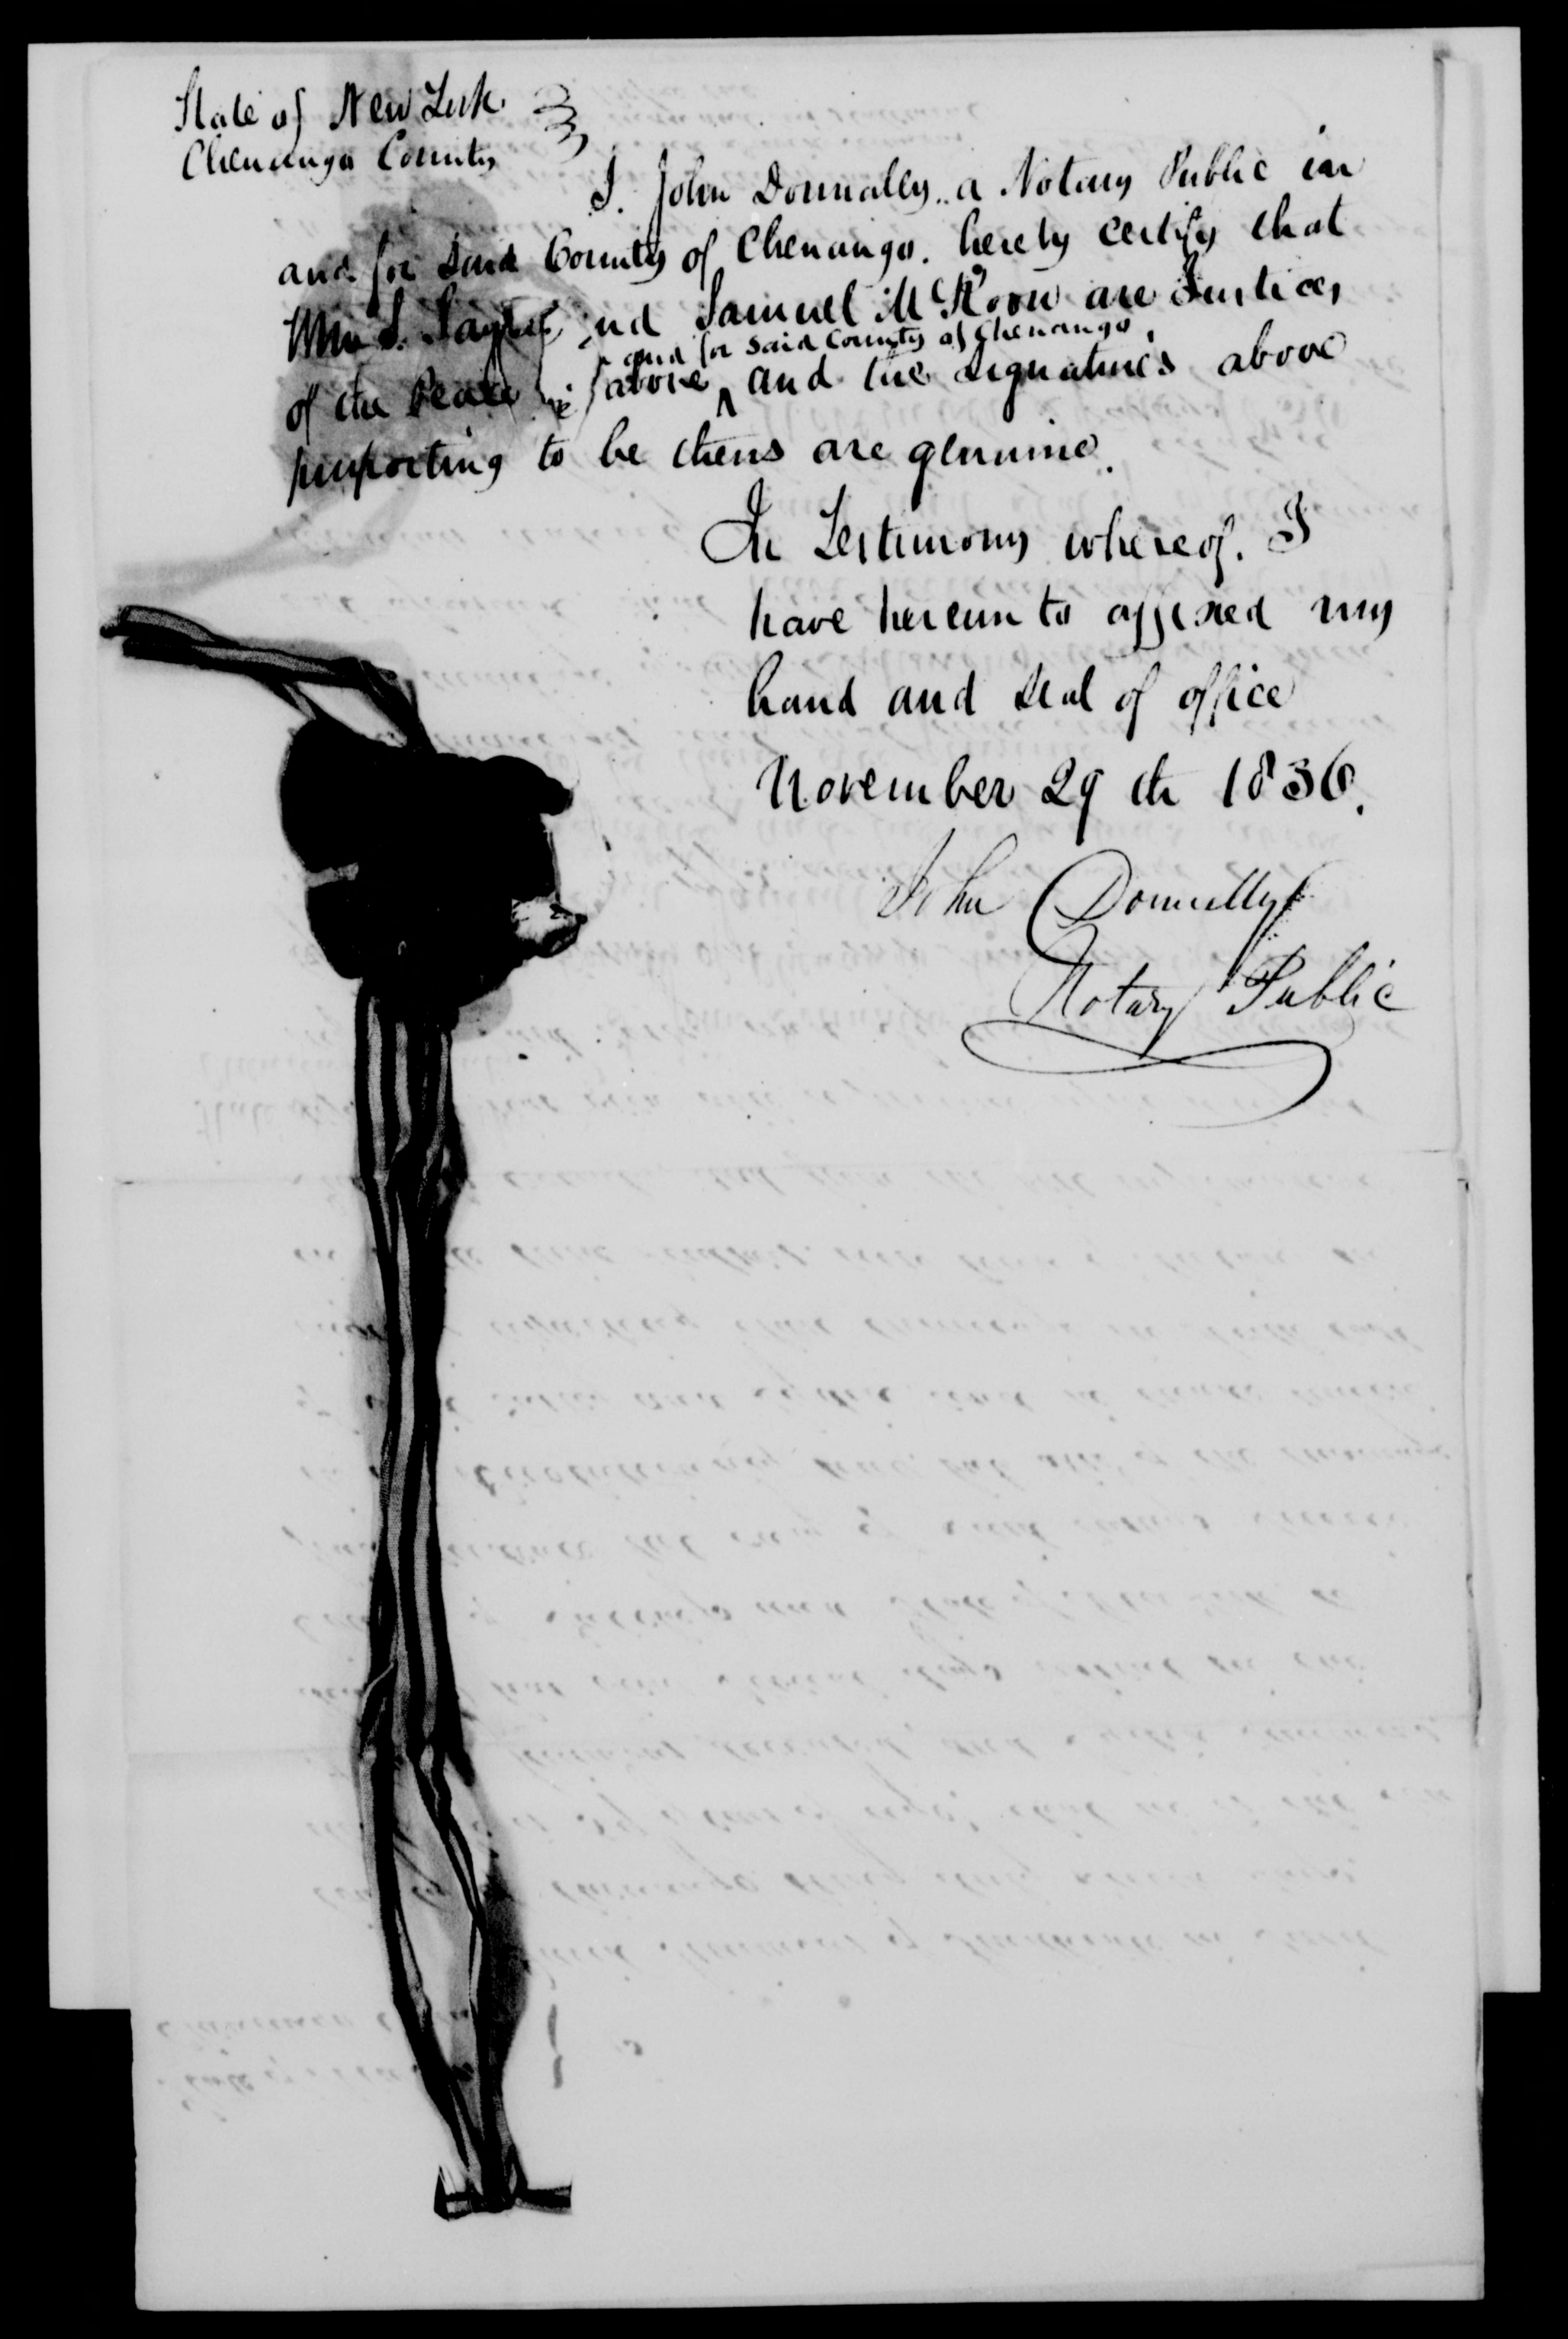State of New York
Chenango County

I, John Donnally, a Notary Public in
and for said County of Chenango, hereby certify that Wm. S. Sayer
and Samuel McKorn are Justices of the Peace 
for said County of Chenango
and the signatures above purporting
be theirs are genuine.
In Testimony whereof I
have hereunto affixed my
hand and seal of office
November 29th 1836.
John Donnelly
Notary Public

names: Wm S Sayer; John Donnelly; Samuel Mc Koon; John Donnally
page: 29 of 29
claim: widow's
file: W. 19,032, for Ensley Simmons, New York